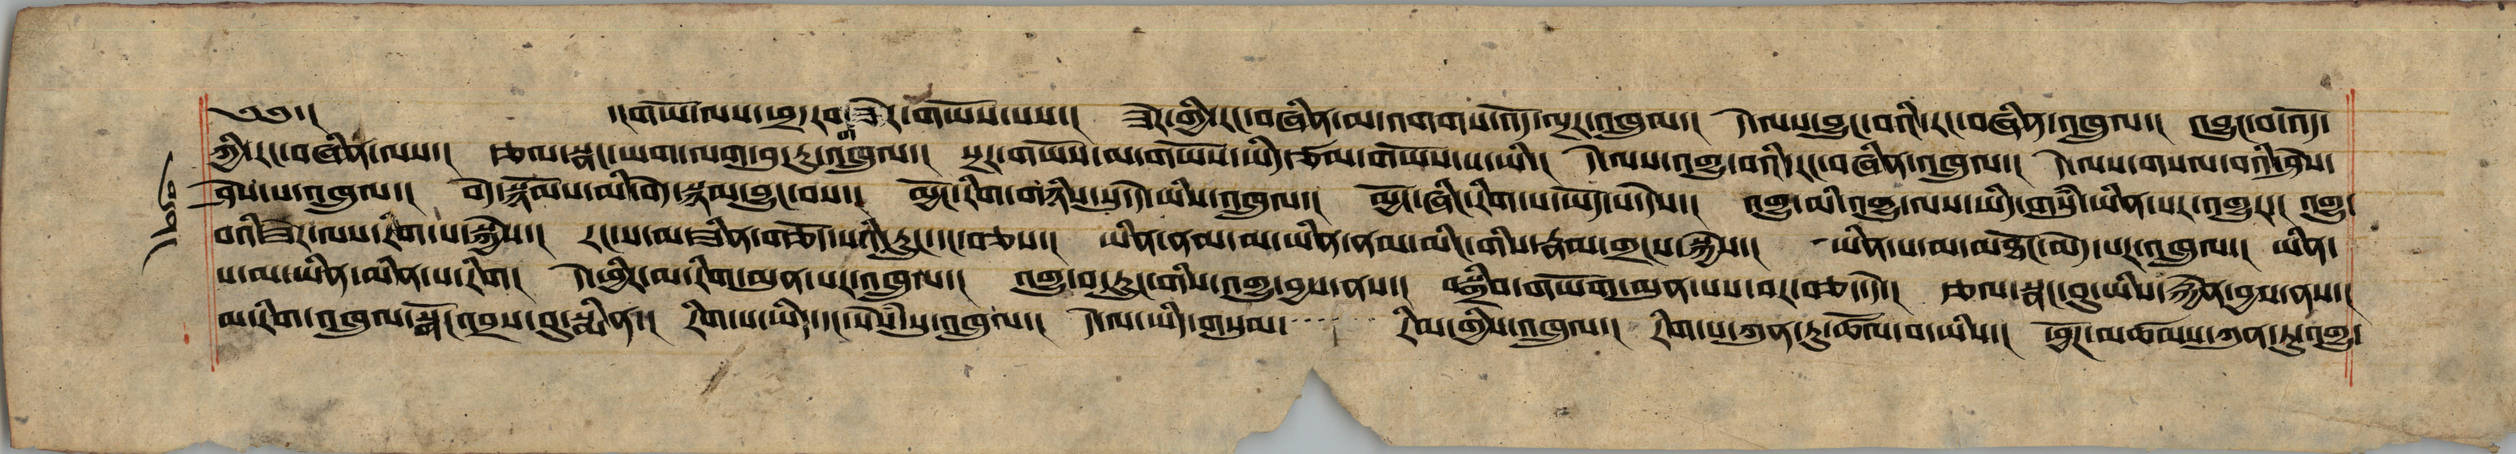༄༅་། ་།གཡོ་ལས་ཕྲ་རབ་གཟེར་གཡོས་པས་། ཟེར་གྱི་རང་བཞིན་མ་འགགས་འོད་ལྔར་འཁྲུལ་། དེ་ལས་བྱུང་བའི་རང་བཞིན་འཁྲུལ་། འབྱུང་བ་འོད་
ཀྱི་རང་བཞིན་ལས་། རྩལ་སྣང་ཡག་ལག་བུ་རུ་འཁྲུལ་། སྔར་གཡོས་མ་གཡོས་ཡིད་ཙམ་གཡོས་པ་ཡི་། དེ་ལས་འགྱུ་བའི་རང་བཞིན་འཁྲུལ་། དེ་ལས་གསལ་བའི་ཤེས་
ཤེས་པ་འཁྲུལ་། བདེ་སྙོམས་མི་བདེ་སྙམ་བྱུང་བས་། མྱོང་རིག་གཉིས་སུ་དེ་ཡིས་འཁྲུལ་། མྱོང་ཞིང་རིགས་པ་ཡོད་པ་དེས་། འགྱུ་མི་འགྱུ་ལས་ཡིད་གསུཾ་ཡིན་པར་འགྱུར་། འགྱུ་
བའི་ཟེར་ལས་རིག་པ་སྐྱེས་། རང་ས་མ་ཟིན་གཅོད་པའི་རླུང་དང་བཅས་། ཡིན་ནམ་མ་ཡིན་ནམ་མིང་གིས་རྣམ་གྲངས་སྐྱེས་། ཡིན་པ་མ་མཐོང་མེད་པར་འཁྲུལ་། ཡིན་
པ་མ་ཡིན་མིན་པ་རིག། དེ་ཕྱིར་མ་རིག་མུན་པར་འཁྲུལ་། འགྱུ་བ་རླུང་གིས་འགྱུ་བྱས་ནས་། བསྒྲིབ་གཡོག་མུན་པས་བར་བཅད་དེ་། རྩལ་སྣང་བུ་ཡིས་རྐྱེན་བྱས་ནས་།
མ་རིག་འཁྲུལ་སྒོང་འབྲས་བུ་སྨིན་། རིག་པ་ཡིད་དང་སེསཾ་སུ་འཁྲུལ་། དེ་ལ་ཡིད་གསུམ་ རིམ་གྱིས་འཁྲུལ་། རིག་པ་ཀུན་ཏུ་ཚོལ་བ་ཡིས་། ཕྱོཌ་མཚམས་ཀུན་ཏུ་འགྱུ་